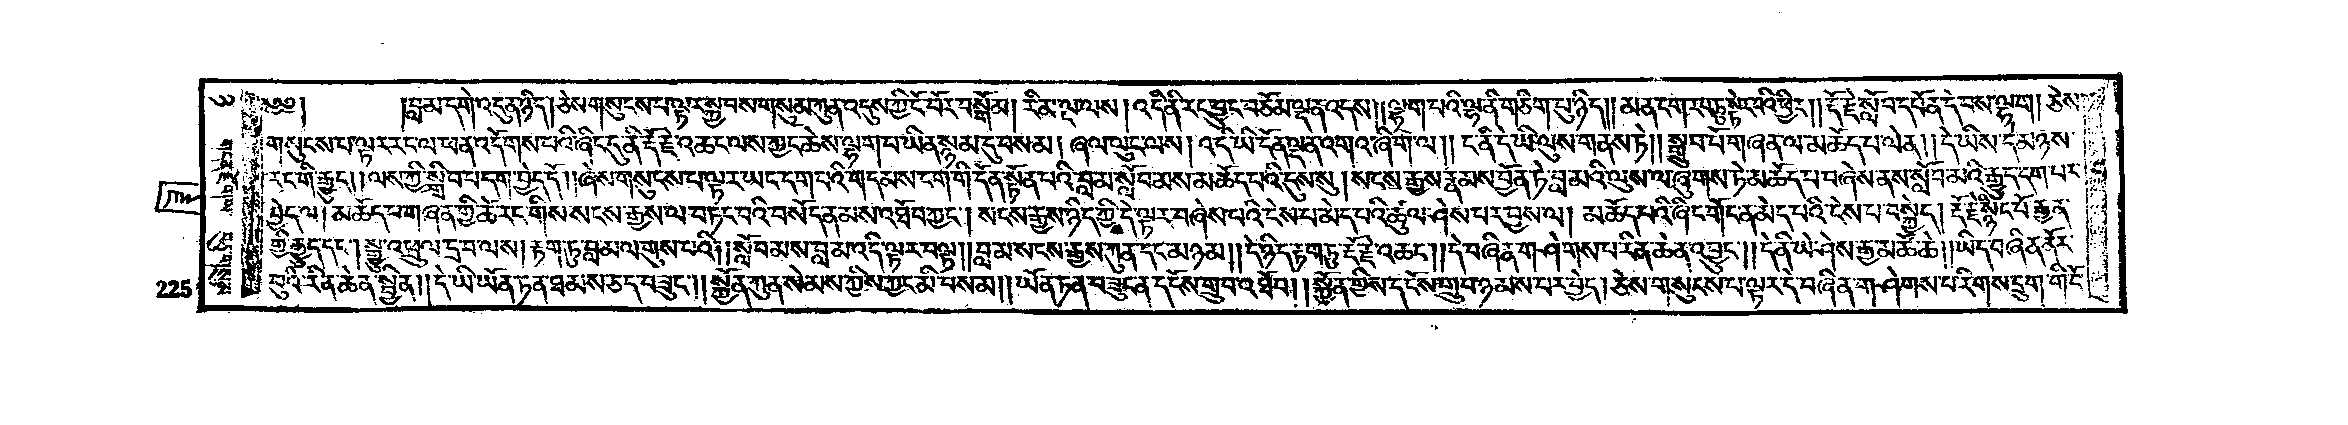༄༅། །བླ་མ་དགེ་འདུན་ཉིད། ཅེས་གསུངས་པ་ལྟར་སྐྱབས་གསུམ་ཀུན་འདུས་ཀྱི་ངོ་བོར་བསྒོམ། རིམ་ལྔ་ལས། འདི་ནི་རང་བྱུང་བཅོམ་ལྡན་འདས། །ལྷག་པའི་ལྷ་ནི་གཅིག་པུ་ཉིད། །མན་ངག་རབ་ཏུ་སྟེར་བའི་ཕྱིར། །རྡོ་རྗེ་སློབ་དཔོན་དེ་བས་ལྷག །ཅེས་
གསུངས་པ་ལྟར་རང་ལ་ཕན་འདོགས་པའི་ཞིང་དུ་ནི་རྡོ་རྗེ་འཆང་ལས་ཀྱང་ཆེས་ལྷག་པ་ཡིན་སྙམ་དུ་བསམ། ཞལ་ལུང་ལས། འདི་ཡི་དོན་ལྡན་འགའ་ཞིག་ལ། །ང་ནི་དེ་ཡི་ལུས་གནས་ཏེ། །སྒྲུབ་པོ་གཞན་ལ་མཆོད་པ་ལེན། །དེ་ཡིས་དེ་མཉེས་
རང་གི་རྒྱུད། །ལས་ཀྱི་སྒྲིབ་པ་དག་བྱེད་དོ། །ཞེས་གསུངས་པ་ལྟར་ཡང་དག་པའི་གདམས་ངག་གི་དོན་སྟོན་པའི་བླ་མ་སློབ་མས་མཆོད་པའི་དུས་སུ། སངས་རྒྱས་རྣམས་བྱོན་ཏེ་བླ་མའི་ལུས་ལ་ཞུགས་ཏེ་མཆོད་པ་བཞེས་ནས་སློབ་མའི་རྒྱུད་དག་པར་
བྱེད་ལ། མཆོད་པ་གཞན་གྱི་ཚེ་རང་གིས་སངས་རྒྱས་ལ་བཏང་བའི་བསོད་ནམས་འཐོབ་ཀྱང་། སངས་རྒྱས་ཉིད་ཀྱི་དེ་ལྟར་བཞེས་པའི་ངེས་པ་མེད་པའི་ཚུལ་ཤེས་པར་བྱས་ལ། མཆོད་པའི་ཞིང་གོང་ན་མེད་པའི་ངེས་པ་བསྐྱེད། རྡོ་རྗེ་སྙིང་པོ་རྒྱན་
གྱི་རྒྱུད་དང་། སྒྱུ་འཕྲུལ་དྲ་བ་ལས། རྟག་ཏུ་བླ་མ་ལ་གུས་པའི། །སློབ་མས་བླ་མ་འདི་ལྟར་བལྟ། །བླ་མ་སངས་རྒྱས་ཀུན་དང་མཉམ། །དེ་ཉིད་རྟག་ཏུ་རྡོ་རྗེ་འཆང་། །དེ་བཞིན་གཤེགས་པ་རིན་ཆེན་འབྱུང་། །དེ་ནི་ཡེ་ཤེས་རྒྱ་མཚོ་ཆེ། །ཡིད་བཞིན་ནོར་
བུའི་རིན་ཆེན་སྦྱིན། །དེ་ཡི་ཡོན་ཏན་ཐམས་ཅད་བཟུང་། །སྐྱོན་ཀུན་སེམས་ཀྱིས་ཀྱང་མི་བསམ། །ཡོན་ཏན་བཟུང་ན་དངོས་གྲུབ་འཐོབ། །སྐྱོན་གྱིས་དངོས་གྲུབ་ཉམས་པར་བྱེད། ཅེས་གསུངས་པ་ལྟར་དེ་བཞིན་གཤེགས་པ་རིགས་དྲུག་གི་ངོ་